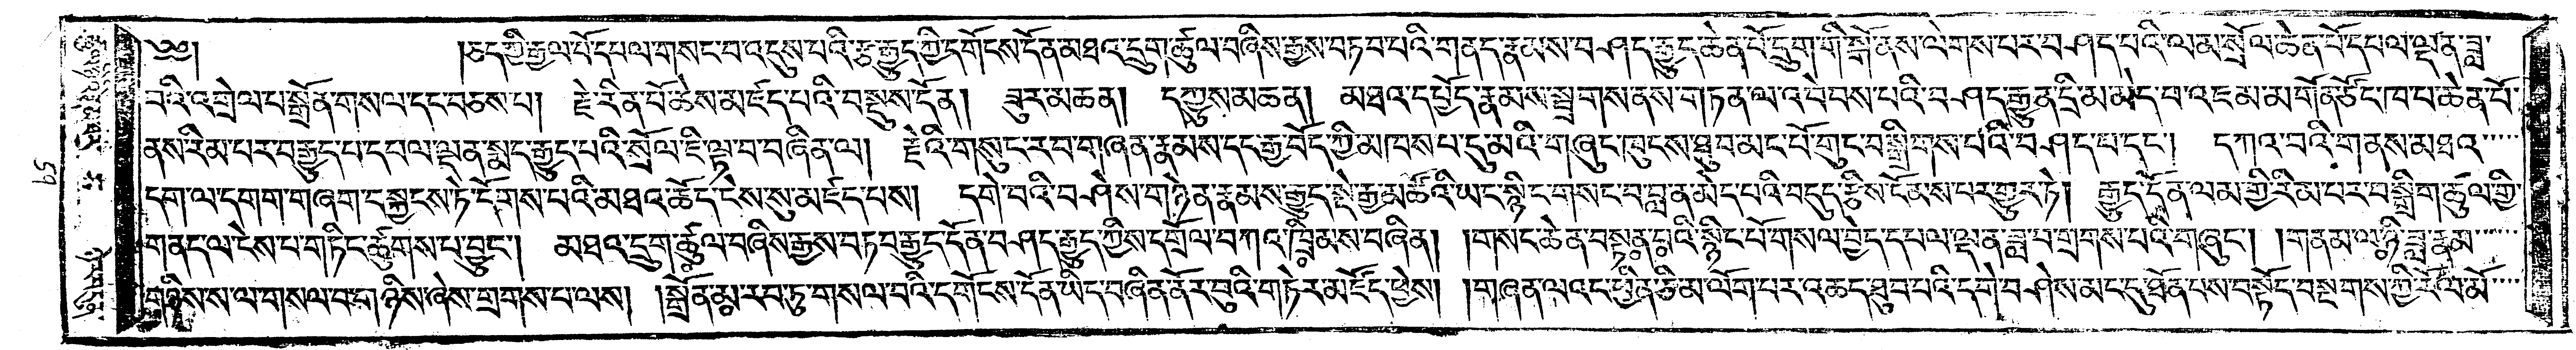༄༅། །ཅད་ཀྱི་རྒྱལ་པོ་དབལ་གསང་བ་འདུས་པའི་རྩ་རྒྱུད་ཀྱི་དགོངས་དོན་མཐའ་དྲུག་ཚུལ་བཞིས་རྒྱས་བཏབ་བའི་གནད་རྣམས་བཤད་རྒྱུད་ཆེན་པོ་དྲུག་གི་སྒོ་ནས་ལེགས་པར་བཤད་པའི་ལམ་སྲོལ་ཆེན་པོ་དཔལ་ལྡན་ཟླ་
བའི་འགྲེལ་པ་སྒྲོན་གསལ་དང་བཅས་པ། རྗེ་རིན་པོ་ཆེས་མཛད་པའི་བསྡུས་དོན། ཟུར་མཆན། དཀྱུས་མཆན། མཐའ་དཔྱོད་རྣམས་སྦྲགས་ནས་གཏན་ལ་འབེབས་པའི་བཤད་རྒྱུན་དྲི་མ་མེད་པ་འཇམ་མགོན་ཙོང་ཁ་བ་ཆེན་པོ་
ནས་རིམ་པར་བརྒྱུད་པ་དཔལ་ལྡན་སྨད་རྒྱུད་པའི་སྲོལ་ཇི་ལྟ་བ་བཞིན་ལ། རྗེའི་གསུང་རབ་གཞན་རྣམས་དང་རྒྱ་བོད་ཀྱི་མཁས་པ་དུ་མའི་གཞུང་ཁུངས་ཐུབ་མང་པོ་གུང་བསྒྲིགས་པའི་བཤད་པ་དང་། དཀའ་བའི་གནས་མཐའ་
དག་ལ་དགག་གཞག་བསྐྱངས་ཏེ་དོགས་པའི་མཐའ་ཆོད་ངེས་སུ་མཛད་པས། དགེ་བའི་བཤེས་གཉེན་རྣམས་རྒྱུད་སྡེ་རྒྱ་མཚོའི་ཡང་སྙིང་གསང་བ་བླ་ན་མེད་པའི་བདུད་རྩིས་ངོམས་པར་གྱུར་ཏེ། རྒྱུད་དོན་ལམ་གྱི་རིམ་པར་བསྒྲིག་ཚུལ་གྱི་
གནད་ལ་ངེས་པ་གཏིང་ཚུགས་པ་བྱུང་། མཐའ་དྲུག་ཚུལ་བཞིས་རྒྱས་བཏབ་རྒྱུད་དོན་བཤད་རྒྱུད་ཀྱིས་དགྲོལ་བཀའ་ཁྲིཾས་བཞིན། །གསང་ཆེན་བསྟན྾་པའི྾་སྙིང་པོ་གསལ་བྱེད་དཔལ་ལྡན་ཟླ་པ་གྲགས་པའི་གཞུང་། །གནམ་ལ྾་ཉི་ཟླ་རྣམ་
གཉིས་ས་ལ་གསལ་བ་གཉིས་ཞེས་གྲགས་པ་ལས། །སྒྲོན་མ་རབ་ཏུ་གསལ་བའི་དགོངས་དོན་ཡིད་བཞིན་ནོར་བུའི་གཏེར་མཛོད་ཕྱེས། །གཞན་ལའང་ཕྱིན་ཅི་མ་ལོག་པར་འཆད་ཐུབ་པའི་དགེ་བཤེས་མང་དུ་ཐོན་པས་བསྟོད་བསྔགས་ཀྱི་རོལ་མོ་